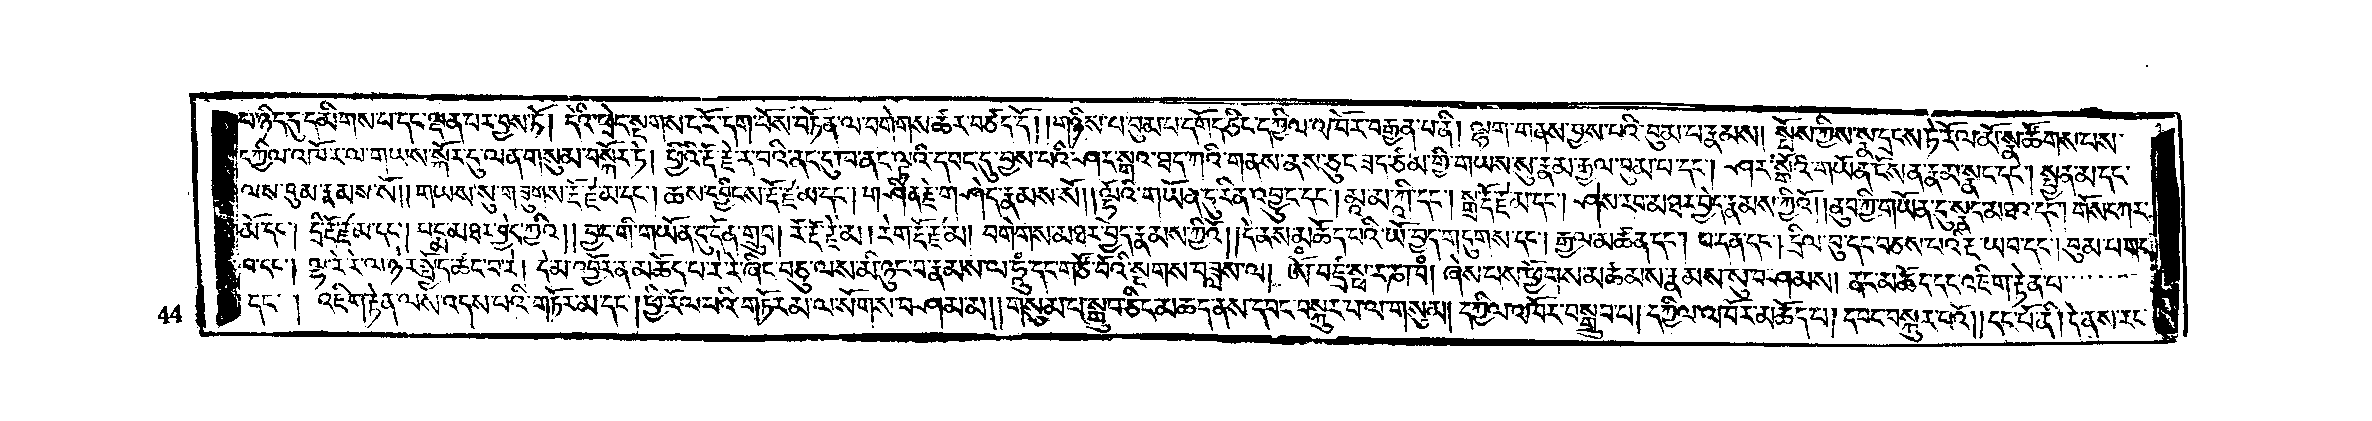པ་ཉིད་དུ་དམིགས་པ་དང་ལྡན་པར་བྱས་ཏོ། དེའི་ཕྲེང་སྔགས་ང་རོ་དག་པོས་བཏོན་ལ་བགེགས་ཚར་བཅད?་དོ། །གཉིས་པ་བུམ་པ་དགོད་ཅིང་དཀྱིལ་འཁོར་བརྒྱན་པ་ནི། ལྷག་གནས་བྱས་པའི་བུམ་པ་རྣམས། སྤོས་ཀྱིས་སྣ་དྲངས་ཏེ་རོལ་མོ་སྣ་ཚོགས་པས་
དཀྱིལ་འཁོར་ལ་གཡས་སྐོར་དུ་ལན་གསུམ་བསྐོར་ཏེ། ཕྱིའི་རྡོ་རྗེ་ར་རྭ་བའི་ནང་དུ་ཁ་ནང་ལྟའི་དབང་དུ་བྱས་པའི་ཤར་སྒོའི?་ཐད་ཀའི་གནས་ནས་ཅུང་ཟད་ཙམ་གྱི་གཡས་སུ་རྣམ་རྒྱལ་བུམ་པ་དང་། ཤར་སྒོའི་གཡོན་ངོས་ན་རྣམ་སྣང་དང་། སྤྱན་མ་དང་
ལས་བུམ་རྣམས་སོ། །གཡས་སུ་གཟུགས་རྡོ་རྗེ་མ་དང་། ཆོས་དབྱིངས་རྡོ་རྗེ་མ་དང་། གཤིན་རྗེ་གཤེད་རྣམས་སོ། །ལྷོའི་གཡོན་དུ་རིན་འབྱུང་དང་། མཱ་མ་ཀཱི་དང་། སྒྲ་རྡོ་རྗེ་མ་དང་། ཤེས་རབ་མཐར་བྱེད་རྣམས་ཀྱིའོ། །ནུབ་ཀྱི་གཡོན་དུ་སྣང་མཐའ་དང་། གོས་དཀར་
མོ་དང་། དྲི་རྡོ་རྗེ་མ་དང་། པདམ་མཐར་བྱེད་ཀྱའི། །བྱང་གི་གཡོན་དུ་དོན་གྲུབ། རོ་རྡོ་རྗེ་མ། རེག་རྡོ་རྗེ་མ། བགེགས་མཐར་བྱེད་རྣམས་ཀྱིའོ། །དེ་ནས་མཆོད་པའི་ཡོ་བྱད་གདུགས་དང་། རྒྱལ་མཚན་དང་། བ་དན་དང་། དྲིལ་བུ་དང་བཅས་པའི་རྔ་ཡབ་དང་། བུམ་པ་གང་
བ་དང་། ལྷ་རེ་རེ་ལ་ཉེར་སྤྱོད་ཚང་བ་རེ། དེ་མ་འབྱོར་ན་མཆོད་པ་རེ་རེ་ཞིང་བཅུ་ལས་མི་ཉུང་བ་རྣམས་ལ་ཧཱུཾ་དང་གཙོ་བོའི་སྔགས་བཟླས་ལ། ཨོཾ་བཛྲ་སྥ་ར་ཎ་ཁཾ། ཞེས་པས་ཕྱོགས་མཚམས་རྣམས་སུ་བཤམས། ནང་མཆོད་དང་འཇིག་རྟེན་པ་
དང་། འཇིག་རྟེན་ལས་འདས་པའི་གཏོར་མ་དང་། ཕྱི་རོལ་པའི་གཏོར་མ་ལ་སོགས་བཤམ་མ། །གསུམ་པ་སྒྲུབ་ཅིང་མཆད་ནས་དབང་བསྐུར་པ་ལ་གསུམ། དཀྱིལ་འཁོར་བསྒྲུབ་པ། དཀྱིལ་འཁོར་མཆོད་པ། དབང་བསྐུར་བའོ། །དང་པོ་ནི། དེ་ནས་རང་